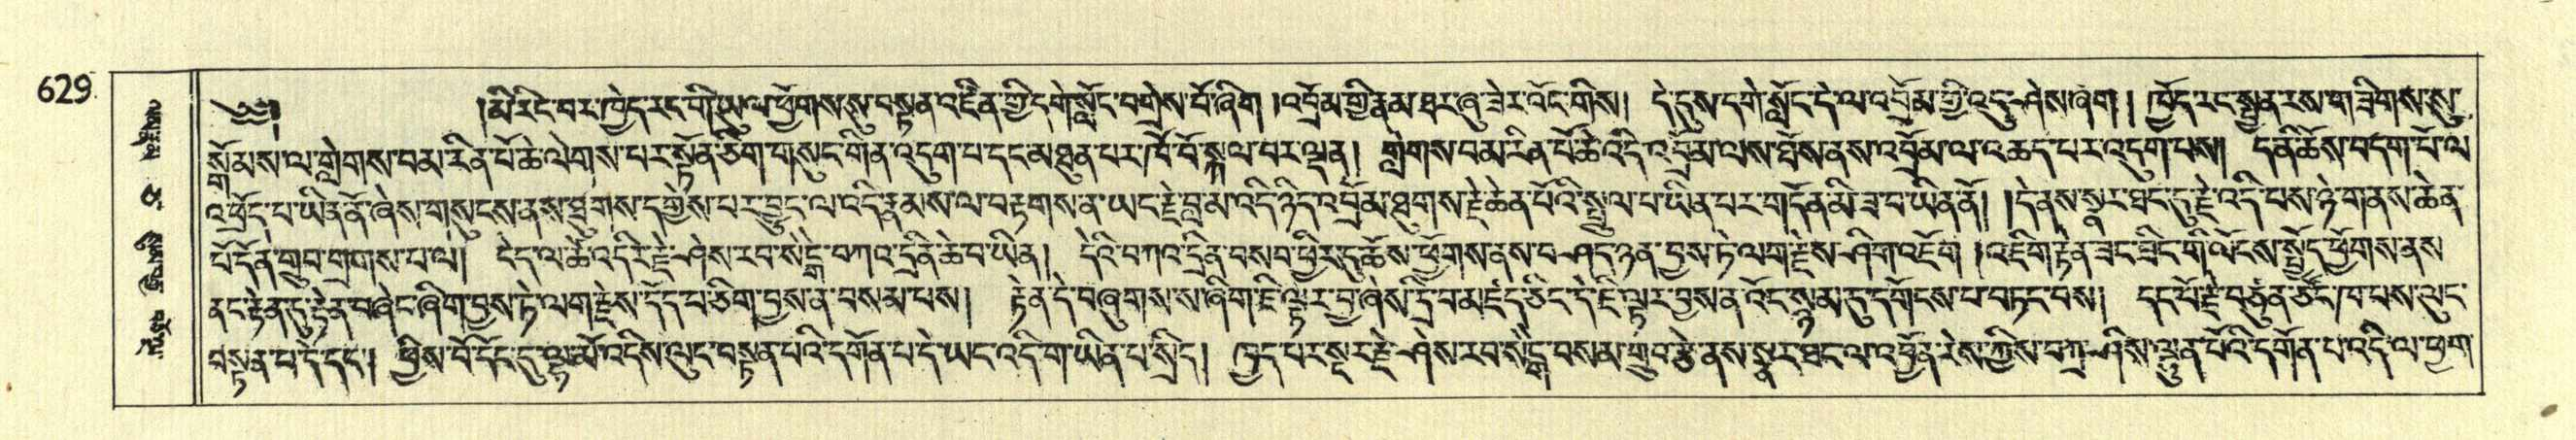༄༅། །མི་རིང་བར་ཁྱེད་རང་གི་ཡུལ་ཕྱོགས་སུ་བསྟན་འཛིན་གྱི་དགེ་སློང་བགྲེས་བོ་ཞིག །འབྲོམ་གྱི་རྣམ་ཐར་ཞུ་ཟེར་འོང་གིས། དེ་དུས་དགེ་སློང་དེ་ལ་འབྲོམ་གྱི་འདུ་ཤེས་ཞིག། ཁྱོད་རང་སྤྱན་རས་གཟིགས་སུ་
སྒོམས་ལ་གླེགས་བམ་རིན་པོ་ཆེ་ལེགས་པར་སྟོན་ཅིག་གསུང་གིན་འདུག་པ་དང་མཐུན་པར་ཁོ་བོ་སྐལ་བར་ལྡན། གླེགས་བམ་རིན་པོ་ཆེ་འདི་འབྲོམ་ལས་ཐོས་ནས་འབྲོམ་ལ་འཆད་པར་འདུག་པས། ད་ནི་ཆོས་བདག་པོ་ལ་
འཕྲོད་པ་ཡིན་ནོ་ཞེས་གསུངས་ནས་ཐུགས་དགྱེས་པར་བྱུང་ལ་འདི་རྣམས་ལ་བརྟགས་ན་ཡང་རྗེ་བླ་མ་འདི་ཉིད་འབྲོམ་ཐུགས་རྗེ་ཆེན་པོའི་སྤྲུལ་པ་ཡིན་པར་གདོན་མི་ཟ་བ་ཡིན་ནོ། །དེ་ནས་སྣར་ཐང་དུ་རྗེ་འདི་པས་ཉེ་གནས་ཆེན་
པོ་དོན་གྲུབ་གྲགས་པ་ལ། ངེད་ལ་ཚེ་འདིར་རྗེ་ཤེས་རབ་སེངྒེ་བཀའ་དྲིན་ཆེ་བ་ཡིན། དེའི་བཀའ་དྲིན་བསབ་ཕྱིར་དུ་ཆོས་ཕྱོགས་ནས་བཤད་ཉན་བྱས་ཏེ་ལག་རྗེས་ཤིག་འཇོག །འཇིག་རྟེན་ཟང་ཟིང་གི་ལོངས་སྤྱོད་ཕྱོགས་ནས་
ནང་རྟེན་དུ་རྟེན་བཞེང་ཞིག་བྱས་ཏེ་ལག་རྗེས་དོད་པ་ཅིག་བྱས་ན་བསམ་པས། རྟེན་དེ་བཞུགས་ས་ཞིག་ཇི་ལྟར་བྱ་ཞེས་དྲི་བ་མཛད་ཅིང་དེ་ཇི་ལྟར་བྱས་ན་འོང་སྙམ་དུ་དགོངས་པ་བཏང་བས། དང་པོ་རྗེ་བཙུན་ཙོང་ཁ་པས་ལུང་
བསྟན་པ་དེ་དང་། ཕྱིས་བོ་དོང་དུ་ལྷ་མོ་འདིས་ལུང་བསྟན་པའི་དགོན་པ་དེ་ཡང་འདི་ག་ཡིན་པ་སྲིད། ཁྱད་པར་སྔར་རྗེ་ཤེས་རབ་སེངྒེ་བསམ་གྲུབ་རྩེ་ནས་སྣར་ཐང་ལ་འབྱོན་རེས་ཀྱིས་བཀྲ་ཤིས་ལྷུན་པོའི་དགོན་པ་འདི་ལ་ཕྱག་